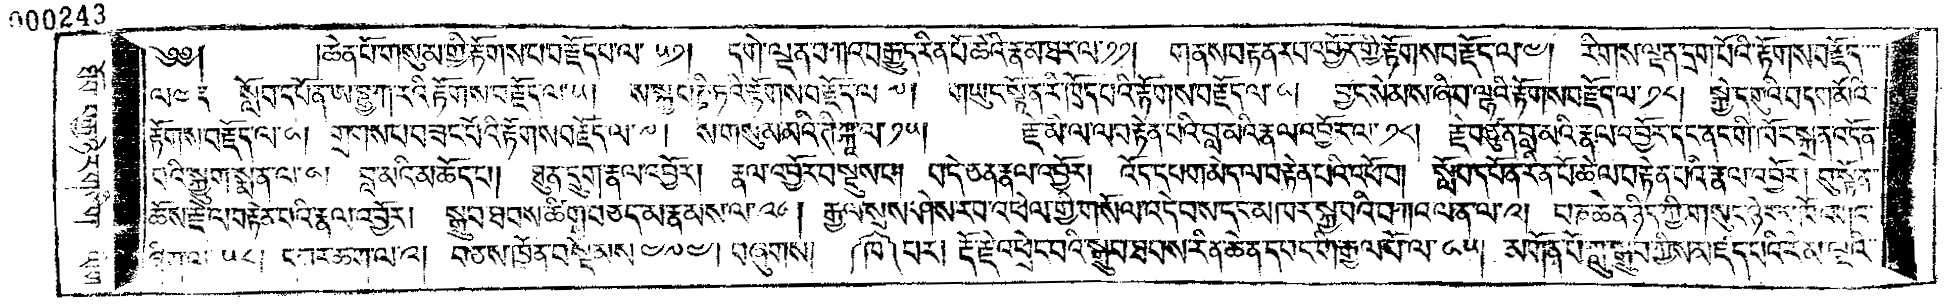༄༅། །ཆེན་པོ་གསུམ་གྱི་རྟོགས་པ་བརྗོད་པ་ལ ༥༡། དགེ་ལྡན་བཀའ་བརྒྱུད་རིན་པོ་ཆེའི་རྣམ་ཐར་ལ ༡༡། གནས་བརྟན་རབ་འབྱོར་གྱི་རྟོགས་བརྗོད་ལ ༤། རིགས་ལྡན་དྲག་པོའི་རྟོགས་བརྗོད་
ལ ༤༑ སློབ་དཔོན་ཨ་བྷྱ་ཀ་རའི་རྟོགས་བརྗོད་ལ ༥། ས་སྐྱ་པཎྜི་ཏའི་རྟོགས་བརྗོད་ལ ༧། གཡུང་སྟོན་རི་ཁྲོད་པའི་རྟོགས་བརྗོད་ལ ༦། བྱང་སེམས་ཞི་བ་ལྷའི་རྟོགས་བརྗོད་ལ ༡༨། སྐྱེ་དགུའི་བདག་མོའི་
རྟོགས་བརྗོད་ལ ༦། གྲགས་པ་བཟང་པོའི་རྟོགས་བརྗོད་ལ ༦། ས་གསུམ་མའི་ཊིཀྐཱ་ལ ༡༥། རྗེ་མི་ལ་ལ་བརྟེན་པའི་བླ་མའི་རྣལ་འབྱོར་ལ ༡༨། རྗེ་བཙུན་བླ་མའི་རྣལ་འབྱོར་དང་ནང་གི་ཁོང་སྐྲན་འདོན་
པའི་སྐྱུག་སྨན་ལ ༦། བླ་མའི་མཆོད་པ། ཐུན་དྲུག་རྣལ་འབྱོར། རྣལ་འབྱོར་བསྡུས་པ། བདེ་ཅན་རྣལ་འབྱོར། འོད་དཔག་མེད་ལ་བརྟེན་པའི་འཕོ་བ། སློབ་དཔོན་རིན་པོ་ཆེ་ལ་བརྟེན་པའི་རྣལ་འབྱོར། བུ་སྟོན་
ཆོས་རྗེ་ལ་བརྟེན་པའི་རྣལ་འབྱོར། སྒྲུབ་ཐབས་ཚིགས་བཅད་མ་རྣམས་ལ ༢༦། རྒྱལ་སྲས་ཤེས་རབ་འཕེལ་གྱི་གསོལ་འདེབས་དང་མཁར་སྐྱ་བའི་བཀའ་ལན་ལ ༢། པཎ་ཆེན་ཉིད་ཀྱི་གསུང་ཉེར་མཁོ་འགའ་
ཞིག་ལ ༥༨། དཀར་ཆག་ལ ༢། བཅས་ཁྱོན་བསྡོམས ༤༦༤། བཞུགས། ༼ཁ༽ པར། རྡོ་རྗེ་འཕྲེང་བའི་སྒྲུབ་ཐབས་རིན་ཆེན་དབང་གི་རྒྱལ་པོ་ལ ༦༥། མགོན་པོ་ཀླུ་སྒྲུབ་ཀྱིས་མཛད་པའི་རིམ་ལྔའི་